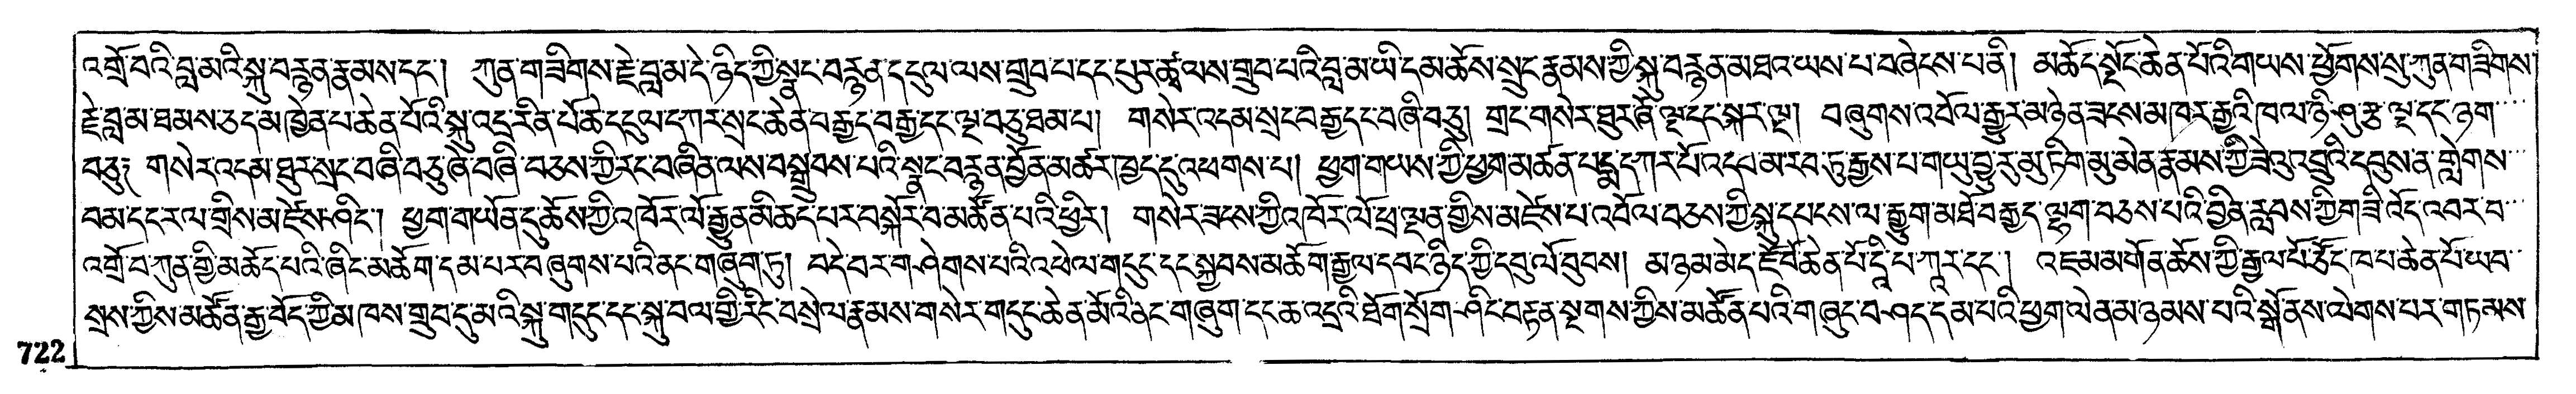འགྲོ་བའི་བླ་མའི་སྐུ་བརྙན་རྣམས་དང་། ཀུན་གཟིགས་རྗེ་བླ་མ་དེ་ཉིད་ཀྱི་སྣང་བརྙན་དངུལ་ལས་གྲུབ་པ་དང་པུར་ཚྭ་ལས་གྲུབ་པའི་བླ་མ་ཡི་དམ་མཆོག་སྲུང་རྣམས་ཀྱི་སྐུ་བརྙན་མཐའ་ཡས་པ་བཞེངས་པ་ནི། མཆོད་སྡོང་ཆེན་པོའི་གཡས་ཕྱོགས་སུ་ཀུན་གཟིགས་
རྗེ་བླ་མ་ཐམས་ཅད་མཁྱེན་པ་ཆེན་པོའི་སྐུ་འདྲ་རིན་པོ་ཆེ་དངུལ་དཀར་སྲང་ཆེན་བརྒྱད་བརྒྱ་དང་ལྔ་བཅུ་ཐམ་པ། གསེར་འདམ་སྲང་བརྒྱ་དང་བཞི་བཅུ། གྲང་གསེར་ཐུར་ཞོ་ལྔ་དང་སྐར་ལྔ། བཞུགས་འབོལ་རྒྱུར་མཉེན་ཟངས་མཁར་རྒྱའི་ཁལ་ཉི་ཤུ་རྩ་ལྔ་དང་ཉག་
བཅུ༑ གསེར་འདམ་ཐུར་སྲང་བཞི་བཅུ་ཞེ་བཞི་བཅས་ཀྱི་རང་བཞིན་ལས་བསྒྲུབས་པའི་སྣང་བརྙན་བྱོན་མཚར་ཁྱད་དུ་འཕགས་པ། ཕྱག་གཡས་ཀྱི་ཕྱག་མཚན་པདམ་དཀར་པོ་འདབ་མ་རབ་ཏུ་རྒྱས་པ་གཡུ་བྱུ་རུ་མུ་ཏིག་མུ་མེན་རྣམས་ཀྱི་ཟེའུ་འབྲུའི་དབུས་ན་གླེགས་
བམ་དང་རལ་གྲིས་མཛེས་ཤིང་། ཕྱག་གཡོན་དུ་ཆོས་ཀྱི་འཁོར་ལོ་རྒྱུན་མི་ཆད་པར་བསྐོར་བ་མཚོན་པའི་ཕྱིར། གསེར་ཟངས་ཀྱི་འཁོར་ལོ་ཕྲ་ལྡན་གྱིས་མཛེས་པ་འབོལ་བཅས་ཀྱི་སྐུ་དཔངས་ལ་རྒྱུག་མཐོ་བརྒྱད་ལྷག་བཅས་པའི་བྱིན་རླབས་ཀྱི་གཟི་འོད་འབར་བ་
འགྲོ་བ་ཀུན་གྱི་མཆོད་པའི་ཞིང་མཆོག་དམ་པར་བཞུགས་བའི་ནང་གཞུག་ཏུ། བདེ་བར་གཤེགས་པའི་འཕེལ་གདུང་དང་སྐྱབས་མཆོག་རྒྱལ་དབང་ཉིད་ཀྱི་དབུ་ལོ་བུབས། མཉམ་མེད་ཇོ་བོ་ཆེན་པོ་དཱི་པ་ཀཱར་དང་། འཇམ་མགོན་ཆོས་ཀྱི་རྒྱལ་པོ་ཙོང་ཁ་པ་ཆེན་པོ་ཡབ་
སྲས་ཀྱིས་མཚོན་རྒྱ་བོད་ཀྱི་མཁས་གྲུབ་དུ་མའི་སྐུ་གདུང་དང་སྐུ་བལ་གྱི་རིང་བསྲེལ་རྣམས་གསེར་གདུང་ཆེན་མོའི་ནང་གཞུག་དང་ཆ་འདྲའི་ཐོག་སྲོག་ཤིང་བརྟན་སྔགས་ཀྱིས་མཚོན་པའི་གཞུང་བཤད་དམ་པའི་ཕྱག་ལེན་མཉམས་པའི་སྒོ་ནས་ལེགས་པར་གཏམས་